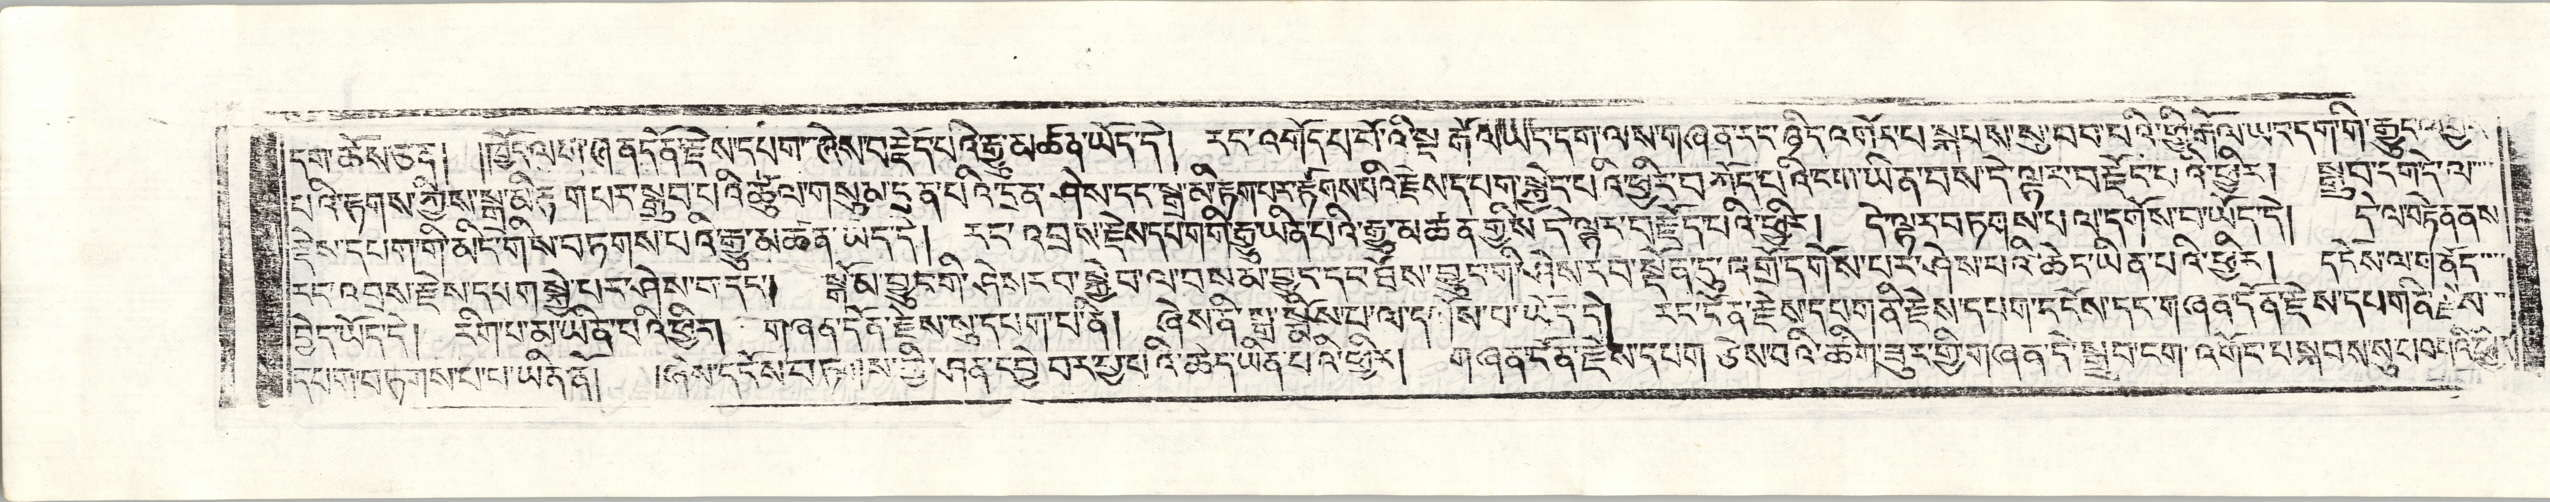ངག་ཆོས་
ཅན། ཁྱོད་ལ་གཞན་དོན་རྗེས་དཔག་ཅེས་བརྗོད་པའི་རྒྱུ་མཚན་ཡོད་དེ། རང་འགོད་པ་བོའི་སྔ་རྒོལ་ཡང་དག་ལས་གཞན་རང་ཉིད་འགོད་པ་སྐབས་སུ་བབ་པའི་ཕྱི་རྒོལ་ཡང་དག་གི་རྒྱུད་ལ་བྱས་པའི་རྟགས་ཀྱིས་སྒྲ་མི་རྟག་པར་སྒྲུབ་པའི་ཚུལ་གསུམ་དྲན་
པའི་དྲན་ཤེས་དང་སྒྲ་མི་རྟག་པར་རྟོགས་པའི་རྗེས་དཔག་སྐྱེད་པའི་ཕྱིར་བཀོད་པའི་ངག་ཡིན་པས་དེ་ལྟར་བརྗོད་པའི་ཕྱིར། སྒྲུབ་ངག་དེ་ལ་རྗེས་དཔག་གི་མིང་གིས་བཏགས་པའི་རྒྱུ་མཚན་ཡོད་དེ། རང་འབྲས་རྗེས་དཔག་གི་རྒྱུ་ཡིན་པའི་རྒྱུ་མཚན་ཀྱིས་དེ་ལྟར་བརྗོད་པའི་ཕྱིར། དེ་ལྟར་བཏགས་པ་ལ་དགོས་པ་ཡོད་དེ། དེ་ལ་བརྟེན་ནས་རང་འབྲས་རྗེས་དཔག་སྐྱེ་བར་ཤེས་པ་དང་། སྒོམ་བྱུང་གི་ཤེས་རབ་སྐྱེ་བ་ལ་བསམ་བྱུང་དང་ཐོས་བྱུང་གི་ཤེས་རབ་སྔོན་དུ་འགྲོ་དགོས་པར་ཤེས་པའི་ཆེད་ཡིན་
པའི་ཕྱིར། དངོས་ལ་གནོད་བྱེད་ཡོད་དེ། རིག་པ་མ་ཡིན་པའི་ཕྱིར། གཞན་དོན་རྗེས་སུ་དཔག་པ་ནི། ཞེས་ནི་སྒྲ་སྨྲས་པ་ལ་དགོས་པ་ཡོད་དེ། རང་དོན་རྗེས་དཔག་ནི་རྗེས་དཔག་དངོས་དང་གཞན་དོན་རྗེས་དཔག་ནི་རྗེས་དཔག་བཏགས་པ་བ་ཡིན་ནོ། །
ཞེས་དངོས་བཏགས་ཀྱི་ཤན་དབྱེ་བར་བྱ་བའི་ཆེད་ཡིན་པའི་ཕྱིར། གཞན་དོན་རྗེས་དཔག་ཅེས་པའི་ཚིག་ཟུར་གྱི་གཞན་དེ་སྒྲུབ་ངག་འགོད་པ་སྐབས་སུ་བབ་པའི་ཕྱི་